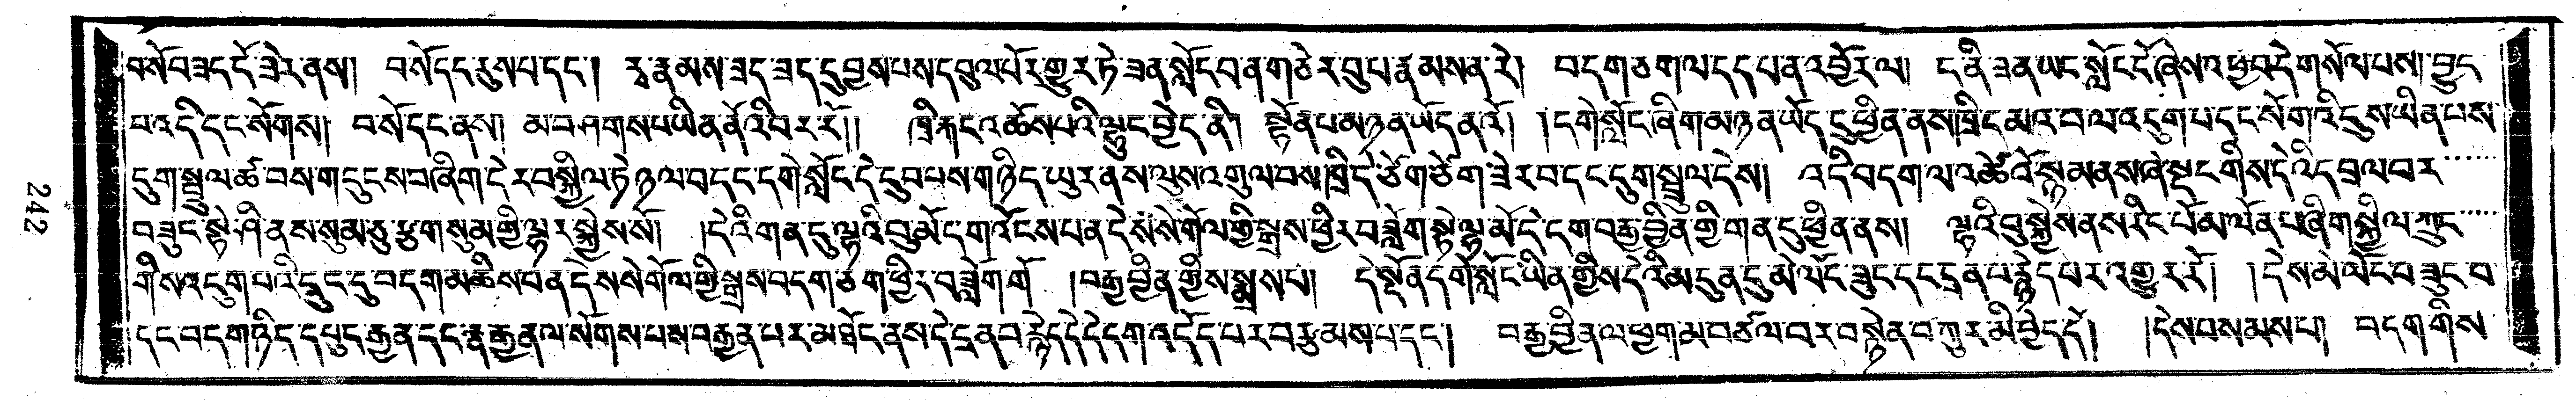བ་སོ་བཟད་དོ་ཟེར་ནས། བ་སོ་དང་རུས་པ་དང་། རྭ་རྣམས་ཟད་ཟད་དུ་བྱས་པས་དབུལ་པོར་གྱུར་ཏེ་ཟན་སློང་བ་ན་གཅེར་བུ་པ་རྣམས་ན་རེ། བདག་ཅག་ལ་དད་པ་ན་འབྱོར་ལ། ང་ནི་ཟན་ཡང་སློང་ངོ་ཞེས་འཕྱ་བདེ་གསོལ་པས། བྱུང་
པ་འདི་དང་སོགས། བ་སོ་དང་ནས། མ་བཤགས་པ་ཡིན་ནོའི་བར་རོ།། ཁྲི་རྐང་འཆོས་པའི་ལྷུང་བྱེད་ནི། སྟོན་པ་མཉན་ཡོད་ནའོ། །དགེ་སློང་ཞིག་མཉན་ཡོད་དུ་ཕྱིན་ནས་ཁྲི་དམའ་བ་ལ་འདུག་པ་དང་སོ་གའི་དུས་ཡིན་པས་
དུག་སྦྲུལ་ཚ་བས་གདུངས་བ་ཞིག་དེར་བསྐྱིལ་ཏེ་ཉལ་བ་དང་དགེ་སློང་དེ་དུབ་པས་གཉིད་ཡུར་ནས་ལུས་འགུལ་བས་ཁྲི་དེ་ཙེག་ཙེག་ཟེར་བ་དང་དུག་སྦྲུལ་དེས། འདི་བདག་ལ་འཚེའོ་སྙམ་ནས་ཞེ་སྡང་གིས་དེའི་དབྲལ་བར་
བཟུང་སྟེ་ཤི་ནས་སུམ་ཅུ་རྩ་གསུམ་གྱི་ལྷར་སྐྱེས་སོ། །དེའི་གན་དུ་ལྷའི་བུ་མོ་དག་འོངས་པ་ན་དེས་སེ་གོལ་གྱི་སྒྲས་ཕྱིར་བཟློག་སྟེ་ལྷ་མོ་དེ་དག་བརྒྱ་བྱིན་གྱི་གན་དུ་ཕྱིན་ནས། ལྷའི་བུ་སྐྱེས་ནས་རིང་པོ་མ་ལོན་པ་ཞིག་སྐྱིལ་ཀྲུང་
གིས་འདུག་པའི་དྲུང་དུ་བདག་མཆིས་བན་དེས་སེ་གོལ་གྱི་སྒྲས་བདག་ཅག་ཕྱིར་བཟློག་གོ །བརྒྱ་བྱིན་གྱིས་སྨྲས་པ། དེ་སྔོན་དགེ་སློང་ཡིན་གྱིས་དེའི་མདུན་དུ་མེ་ལོང་ཟུང་དང་དྲན་པ་རྙེད་པར་འགྱུར་རོ། །དེས་མེ་ལོང་བཟུང་བ་
དང་བདག་ཉིད་དཔུང་རྒྱན་དང་རྣ་རྒྱན་ལ་སོགས་པས་བརྒྱན་པར་མཐོང་ནས་དེ་དྲན་བ་རྙེད་དེ་དེ་དག་འདོད་པར་བརྩམས་པ་དང་། བརྒྱ་བྱིན་ལ་ཕྱག་མ་བཙལ་བར་བསྙེན་བཀུར་མི་བྱེད་དོ། །དེས་བསམས་པ། བདག་གིས་